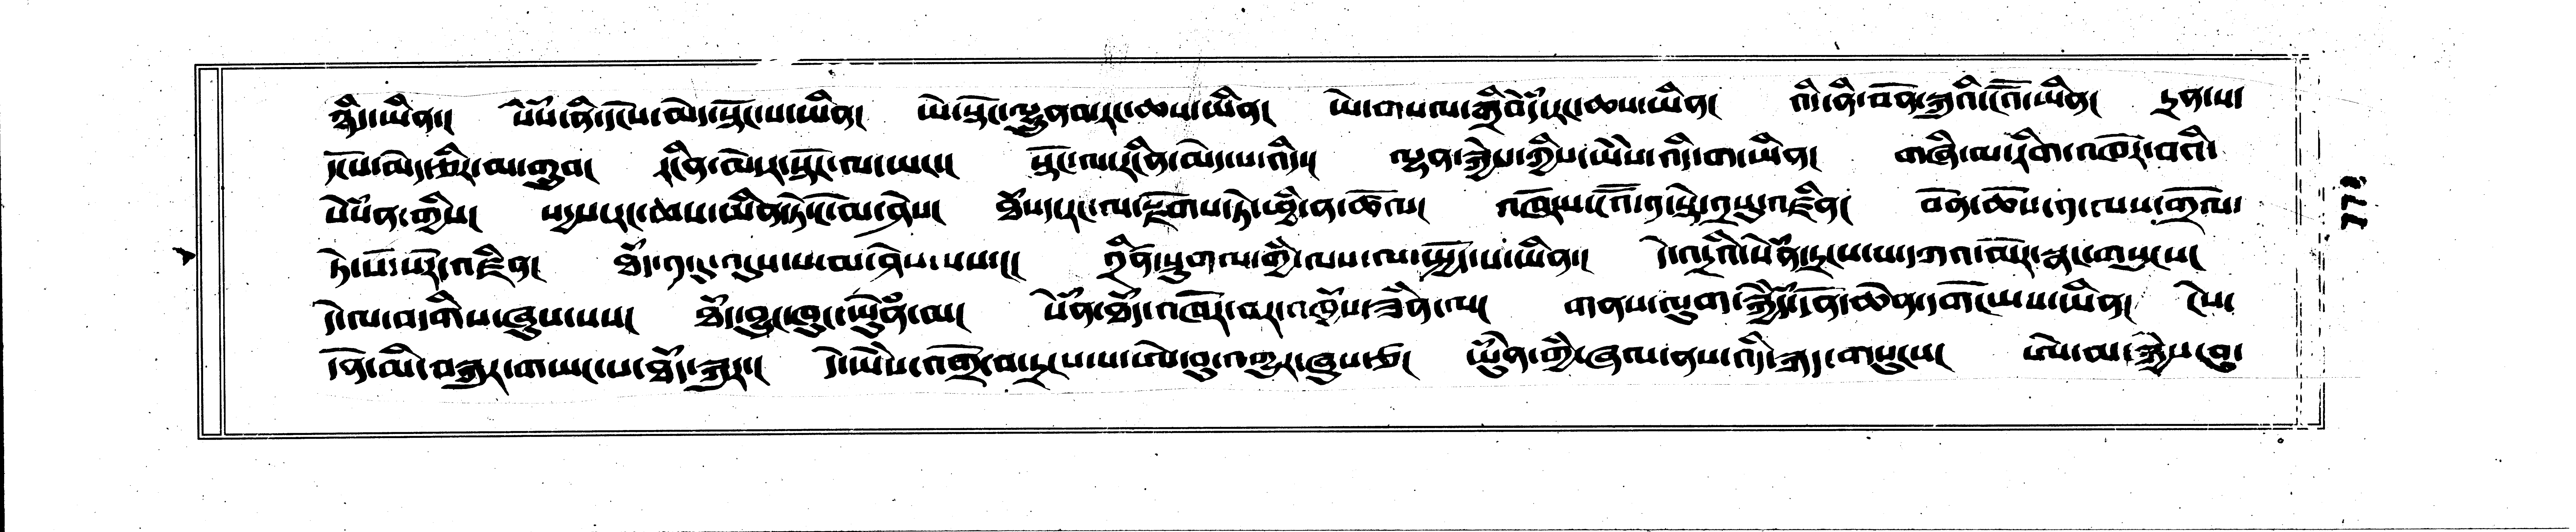ཉིད་ཡིན། །སེམས་ནི་དངོས་མེད་སྟོང་པ་ཡིན། །ཡེ་སྟོང་ལྷུན་གྲུབ་རང་ཆས་ཡིན། །ཡེ་གསལ་སྒྲིབ་མེད་རང་ཆས་ཡིན། འདི་ནི་བོན་སྐུའི་ངོའོ་ཡིན། དྲན་པ་
དངོས་མེད་ཅིར་མ་གྲུབ། རང་བཞིན་མེད་པར་སྟོང་ལ་ཡང་། སྟོང་ལ་རང་བཞིན་མེད་པ་འདི། ལྷན་སྐྱེས་ཀྱི་ཡེ་ཤེས་འདི་ག་ཡིན། གཞི་མ་རིག་འཁོར་བའི་
སེམས་ཅན་གྱིས། སངས་རྒྱས་རང་ཆས་ཡིན་ཏེ་ངོ་མ་ཤེས། ཐམས་ཅད་རང་ལ་རྫོགས་ཏེ་ཕྱི་ན་ཚོལ། འཁོར་འདས་ངོའོ་གཅིག་སྟེ་གཉིས་སུ་འཛིན། བོན་ཆོས་གཅིག་ལས་གྲོལ་
ཏེ་སོ་སོར་འཛིན། ཐམས་ཅད་གཅིག་ཏུ་འདུས་པ་མ་ཤེས་པས། གཉིས་འཛིན་སྡུག་བསྔལ་གྱི་ལས་ལ་སྤྱོད་པ་ཡིན། དེ་འདྲའི་སེམསཅན་དྲངས་པ་དཀའ་མོར་སྣང་གསུངས། 
དེ་ལ་བདག་གིས་ཞུས་པ། ཐམས་ཅད་བྱུང་ཁུངས་ཡུམ་ཆེན་མ། སེམས་ཅན་ཐམས་ཅད་འཁོར་བར་འཁྱམས་ཟིན་ལ། གནས་ལུགས་སྐྱེ་མེད་དོན་ཆེན་དགོངས་པ་ཡིན། ངེས་
དོན་མི་བསྐུལ་གཡང་ས་ཐམས་ཅད་བསྐུལ། དེ་ཡེ་ཤེས་འགྲོ་བ་དྲངས་པ་ཨེ་བུ་འགྱུར་ཞུས་ཙ། ཡུམ་ཆེན་གྱི་ཞལ་ནས་འདི་སྐད་གསུངས། ཨེ་མ་སྐྱེས་བུ་